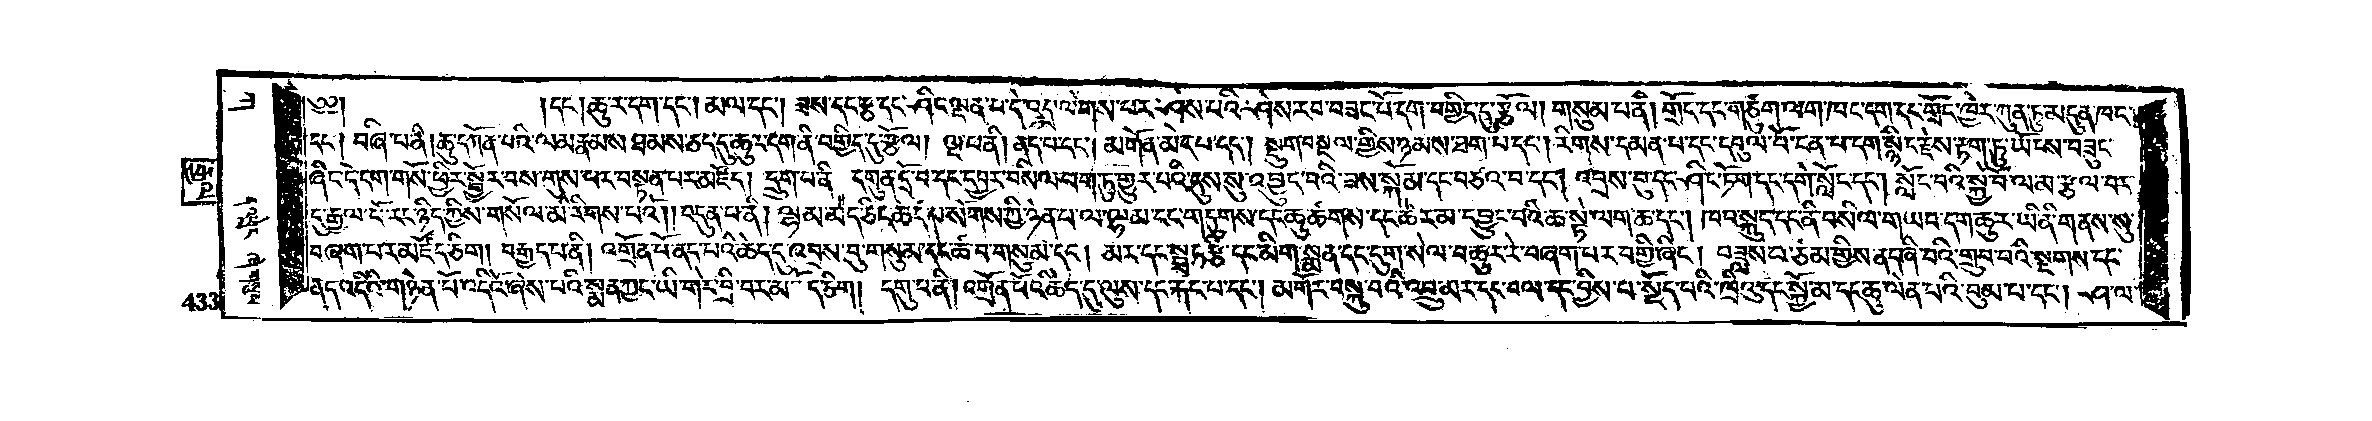༄༅། །དང་། ཆུ་ར་དག་དང་། མལ་དང་། ཟས་དང་རྩ་དང་ཤིང་ལྡན་པ་དེ་འདྲ་ལེགས་པར་ཤེས་པའི་ཤེས་རབ་བཟང་པོ་དག་བགྱིད་དུ་རྩོལ། གསུམ་པ་ནི། གྲོང་དང་གཙུག་ལག་ཁང་དག་དང་གྲོང་ཁྱེར་ཀུན་ཏུ་མདུན་ཁང་
དང་། བཞི་པ་ནི། ཆུ་དཀོན་པའི་ལམ་རྣམས་ཐམས་ཅད་དུ་ཆུར་དག་ནི་བགྱིད་དུ་རྩོལ། ལྔ་པ་ནི། ནད་པ་དང་། མགོན་མེད་པ་དང་། སྡུག་བསྔལ་གྱིས་ཉམས་ཐག་པ་དང་། རིགས་དམན་པ་དང་དབུལ་པོ་ངན་པ་དག་སྙིང་རྗེས་རྟག་ཏུ་ཡོངས་བཟུང་
ཞིང་དེ་དག་གསོ་ཕྱིར་སྦྱོར་བས་གུས་པར་བསྟན་པར་མཛོད། དྲུག་པ་ནི། དགུན་དྲོ་བ་དང་དབྱར་བསིལ་བག་ཏུ་གྱུར་པའི་དུས་སུ་འབྱུང་བའི་ཟས་སྐོམ་དང་བཙའ་བ་དང་། འབྲས་བུ་དང་ཤིང་ཏོག་དང་དགེ་སློང་དང་། སློང་བའི་སྐྱེ་བ་ལ་མ་རྩལ་བར་
དུ་རྒྱལ་པོ་རང་ཉིད་ཀྱིས་གསོལ་མ་རིགས་པའོ། །བདུན་པ་ནི། ལྷ་མ་མེད་ཅིང་ཆད་པ་སོགས་ཀྱི་ཉེན་པ་ལ་ལྷ་མ་དང་གདུགས་དང་ཆུ་ཚགས་དང་ཚེར་མ་དབྱུང་བའི་ཆ་སྟེ་ལག་ཆ་དང་། ཁབ་སྐུད་དང་ནི་བསིལ་གཡབ་དག་ཆུར་ཡི་ནི་གནས་སུ་
བཞག་པར་མཛོད་ཅིག །བརྒྱད་པ་ནི། འགྲོན་པོ་ནད་པའི་ཆེད་དུ་འབྲས་བུ་གསུམ་དང་ཚ་བ་གསུམ་དང་། མར་དང་སྦྲང་རྩི་དང་མིག་སྨན་དང་དུག་སེལ་བ་ཆུར་རེ་བཞག་པར་བགྱི་ཞིང་། བཟླས་པ་ཙམ་གྱིས་ནད་ཞི་བའི་གྲུབ་པའི་སྔགས་དང་
ནད་འདིའི་གཉེན་པོ་འདིའོ་ཞེས་པའི་སྨན་ཀྱང་ཡི་གེར་བྲི་བར་མོད་ཅིག །དགུ་པ་ནི། འགྲོན་པོའི་ཆེད་དུ་ལུས་དང་རྐང་པ་དང་། མགོར་བསྐུ་བའི་འབྲུ་མར་དང་བལ་དང་བྱིས་པ་སྡོད་པའི་ཁྲིའུ་དང་སྐྱོ་མ་དང་ཆུ་ལེན་པའི་བུམ་པ་དང་། ཤ་ལ་